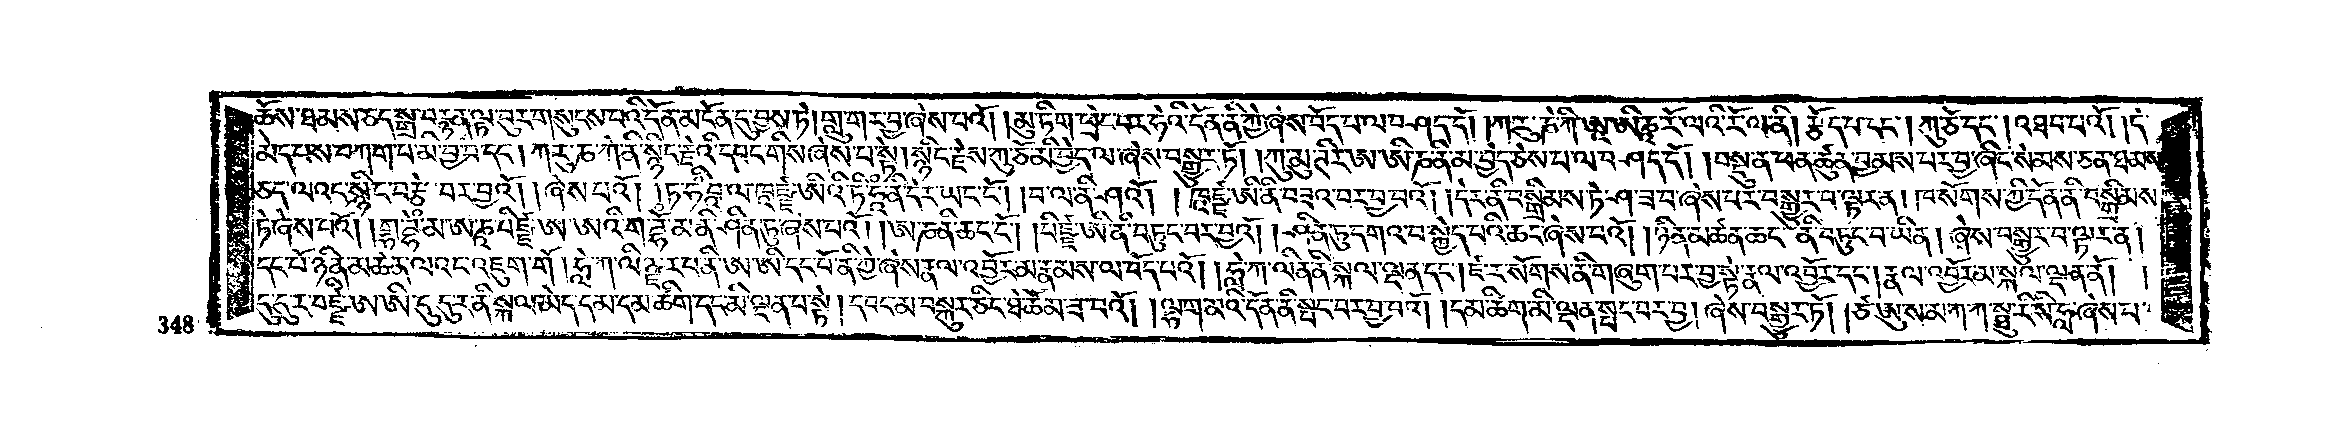ཆོས་ཐམས་ཅད་སྒྲ་བརྙན་ལྟ་བུར་གསུངས་པའི་དོན་མངོན་དུ་བྱས་ཏེ། གླུ་གར་བྱ་ཞེས་པའོ། །མུ་ཏིག་ཕྲེང་བར་ཧེའི་དོན་ནི་ཀྱེ་ཞེས་བོད་པ་ལ་བཤད་དོ། །ཀ་རུ་ཎེ་ཀི་ཨཱ་ཨི་ཎཱ་རོ་ལའི་རོ་ལ་ནི། རྩོད་པ་དང་། ཀུ་ཅོ་དང་། འཐབ་པའོ། །དེ་
མེད་པས་བཀག་པ་མི་བྱ་བ་དང་། ཀ་རུ་ཎ་ཀེ་ནི་སྙིང་རྗེའི་དབང་གིས་ཞེས་པ་སྟེ། སྙིང་རྗེས་ཀུ་ཅོ་མི་བྱེད་ལ་ཞེས་བསྒྱུར་ཏོ། །ཀུ་མུ་ཊིར་ཨ་ཨི་ཎ་ནི་མ་བྱེད་ཅེས་པ་ལ་བཤད་དོ། །བསྡུ་ན་ཕན་ཚུན་བྱམས་པར་བྱ་ཞིང་སེམས་ཅན་ཐམས་
ཅད་ལའང་སྙིང་བརྩེ་བར་བྱའོ། །ཞེས་པའོ། །ཏ་ཧཾ་བཱི་ལ་ཁཱཛྫ་ཨིའི་ཏི་ཧཱཾ་ནི་དེར་ཡང་ངོ། །བ་ལ་ནི་ཤའོ། །ཁཱཛྫ་ཨི་ནི་བཟའ་བར་བྱ་བའོ། །དེར་ནི་བསྒྲིམས་ཏེ་ཤ་ཟ་བ་ཞེས་པར་བསྒྱུར་བ་ལྟར་ན། ཁ་སོགས་ཀྱི་དོན་ནི་བསྒྲིམས་
ཏེ་ཞེས་པའོ། །གྷ་ཌྷེཾ་མ་ཨ་ཎཱ་པིཛྫ་ཨ་ཨཱི་ག་ཌྷོཾ་མ་ནི་ཤིན་ཏུ་ཞེས་པའོ། །ཨ་ཎ་ནི་ཆང་ངོ། །པིཛྫ་ཨི་ནི་བཏུང་བར་བྱའོ། །ཤིན་ཏུ་དགའ་བ་སྐྱེད་པའི་ཆང་ཞེས་པའོ། །ཉིན་མཚན་ཆང་ནི་བཏུང་བ་ཡིན། ཞེས་བསྒྱུར་བ་ལྟར་ན།
དང་པོ་ཉིན་མཚན་ལའང་འཇུག་གོ །ཧླེ་ཀ་ལིཉྫ་ར་པ་ནི་ཨ་ཨི་དང་པོ་ནི་ཀྱེ་ཞེས་རྣལ་འབྱོར་མ་རྣམས་ལ་བོད་པའོ། །ཧླེ་ཀ་ལིན་ནི་སྐལ་ལྡན་དང་། ཛ་ར་སོགས་ནི་གཞུག་པར་བྱ་སྟེ་རྣལ་འབྱོར་དང་། རྣལ་འབྱོར་མ་སྐལ་ལྡན་ནོ། །
དུ་དུ་ར་བཛྫ་ཨ་ཨི་དུ་དུ་ར་ནི་སྐལ་མེད་དམ་དམ་ཚིག་དང་མི་ལྡན་པ་སྟེ། དབང་མ་བསྐུར་ཅིང་ཐེ་ཚོམ་ཟ་བའོ། །ལྷག་མའི་དོན་ནི་སྤང་བར་བྱ་བའོ། །དམ་ཚིག་མི་ལྡན་སྤང་བར་བྱ། ཞེས་བསྒྱུར་ཏོ། །ཙ་ཨུ་ས་མ་ཀ་ཀ་སྠུ་རི་སི་ཧླ་ཞེས་པ་